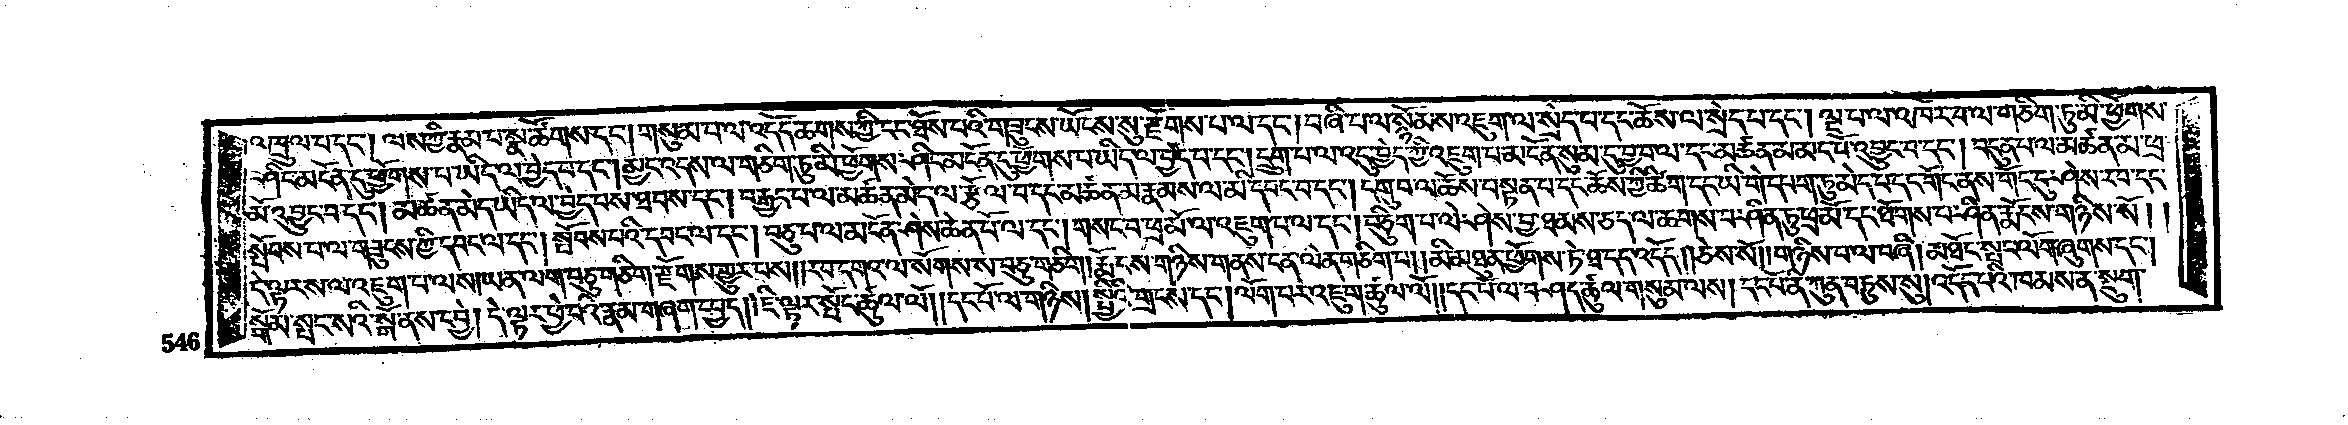འཁྲུལ་པ་དང་། ལས་ཀྱི་རྣམ་པ་སྣ་ཚོགས་དང་། གསུམ་པ་ལ་འདོད་ཆགས་ཀྱི་དང་ཐོས་པའི་གཟུངས་ཡོངས་སུ་རྫོགས་པ་ལ་དང་། བཞི་པ་ལ་སྙོམས་འཇུག་ལ་སྲེད་པ་དང་ཆོས་ལ་སྲེད་པ་དང་། ལྔ་པ་ལ་འཁོར་བ་ལ་གཅིག་ཏུ་མི་ཕྱོགས་
ཤིང་མངོན་དུ་ཕྱོགས་པ་ཡིད་ལ་བྱེད་པ་དང་། མྱང་འདས་ལ་གཅིག་ཏུ་མི་ཕྱོགས་ཤིང་མངོན་དུ་ཕྱོགས་པ་ཡིད་ལ་བྱེད་པ་དང་། དྲུག་པ་ལ་འདུ་བྱེད་ཀྱི་འཇུག་པ་མངོན་སུམ་དུ་བྱ་བ་ལ་དང་མཚན་མ་མང་པོ་འབྱུང་བ་དང་། བདུན་པ་ལ་མཚན་མ་ཕྲ་
མོ་འབྱུང་བ་དང་། མཚན་མེད་ཡིད་ལ་བྱེད་པས་ཐབས་དང་། བརྒྱད་པ་ལ་མཚན་མེད་ལ་རྩོལ་བ་དང་མཚན་མ་རྣམས་ལ་མི་དབང་བ་དང་། དགུ་པ་ལ་ཆོས་བསྟན་པ་དང་ཆོས་ཀྱི་ཚིག་དང་ཡི་གེ་དཔག་ཏུ་མེད་པ་དང་གོང་ནས་གོང་དུ་ཤེས་རབ་དང་
སྤོབས་པ་ལ་གཟུངས་ཀྱི་དབང་ལ་དང་། སྤོབས་པའི་དབང་ལ་དང་། བཅུ་ལ་མངོན་ཤེས་ཆེན་པོ་ལ་དང་། གསང་བ་ཕྲ་མོ་ལ་འཇུག་པ་ལ་དང་། བཅུ་གཅིག་པ་ལ་ཤེས་བྱ་བ་ཐམས་ཅད་ལ་ཆགས་པ་ཤིན་ཏུ་ཕྲ་མོ་དང་ཐོགས་པ་ཤིན་རྨོངས་གཉིས་སོ། །
དེ་ལྟར་ས་ལ་འཇུག་པ་ལས། ཡན་ལག་བཅུ་གཅིག་རྫོགས་གྱུར་པས། །རབ་དགའ་ལ་སོགས་ས་བཅུ་གཅིག །རྨོངས་གཉིས་གནས་ངན་ལེན་གཅིག་པ། །མི་མཐུན་ཕྱོགས་ཏེ་ཐ་དད་འདོད། །ཅེས་སོ། །གཉིས་པ་ལ་བཞི། མཐོང་སྤང་ལོག་ཞུགས་དང་།
སྒོམ་སྤང་སའི་སྒོ་ནས་དབྱེ། དེ་ལྟར་ཕྱེ་བའི་རྣམ་གཞག་དཔྱད། །ཇི་ལྟར་སྤོང་ཚུལ་ལོ། །དང་པོ་ལ་གཉིས། སྤྱིའི་གྲངས་དང་། ལོག་པར་འཇུག་ཚུལ་ལོ། །དང་པོ་ལ་བཤད་ཚུལ་གསུམ་ལས། དང་པོ་ནི་ཀུན་བཏུས་སུ། འདོད་པའི་ཁམས་ན་སྡུག་